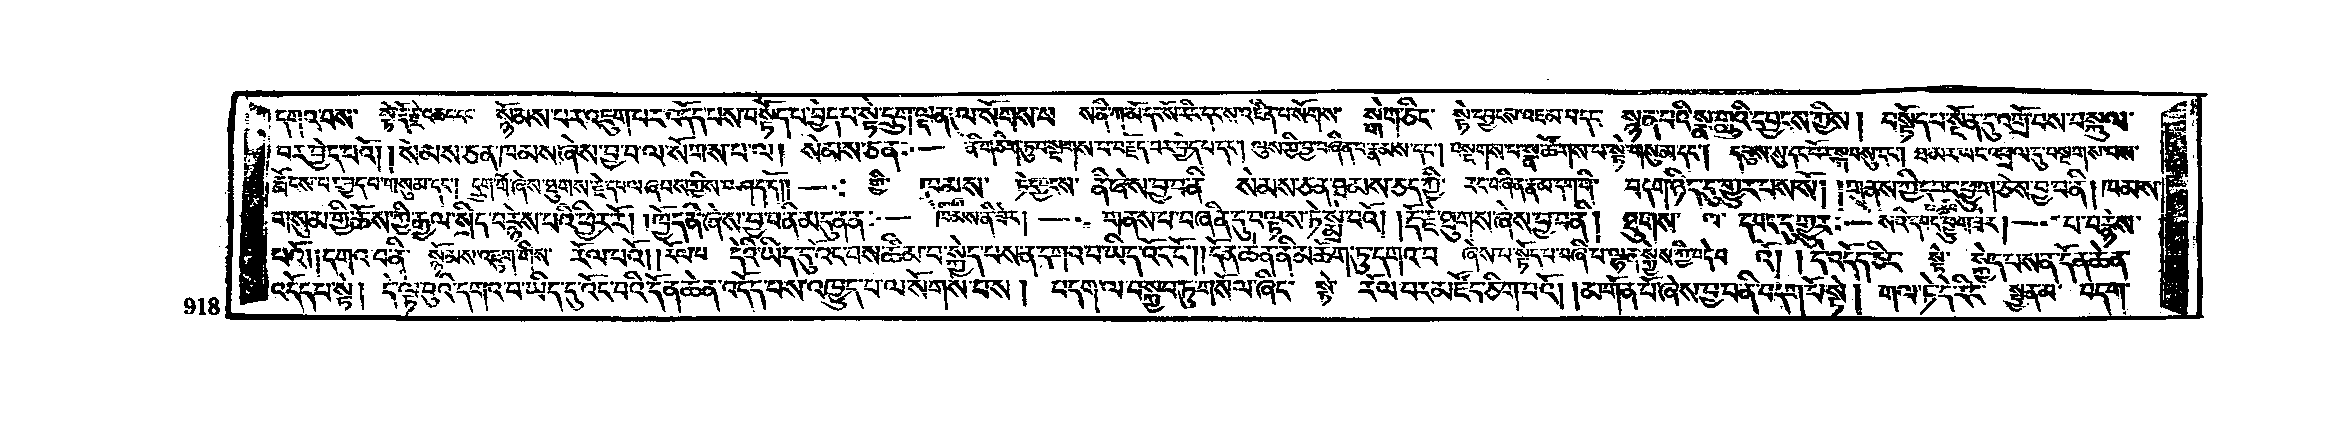དགའ་བས་སྟེ་རྡོ་རྗེ་འཆང་དང་སྙོམས་པར་འཇུག་པར་འདོད་པས་བསྟོད་པ་བྱེད་པ་སྟེ་དྲུག་ལྡན་ལ་སོགས་པས་ནི་ཀ་མོ་དང་སོ་རིང་དང་ས་འཛིན་པ་སོགས་སྒེག་ཅིང་སྟེ་དབྱངས་འཇམ་པ་དང་སྙན་པའི་སྣ་གླུའི་དབྱངས་ཀྱིས། བསྟོད་པ་སྔོན་དུ་འགྲོ་བས་བསྐུལ་
བར་བྱེད་པའོ། །སེམས་ཅན་ཁམས་ཞེས་བྱ་བ་ལ་སོགས་པ་ལ། སེམས་ཅན་ནི་གཅིག་ཏུ་བསྔགས་པ་བརྗོད་པར་བྱེད་པ་དང་། ལུས་ཀྱི་བྱ་བཞིན་པ་རྣམས་དང་། བསྔགས་པ་སྣ་ཚོགས་པ་སྟེ་གསུམ་དང་། དབུས་སུ་དང་པོར་སྐབས་སུ་དང་། ཐ་མར་ཡང་འཕྲལ་དུ་བསྔགས་པས་
རྨོངས་པར་བྱེད་པ་གསུམ་དང་། དྲུག་གི་ཞེས་ཐུགས་རྗེ་དཔལ་ཞབས་ཀྱིས་བཤད་དོ།། ཀྱི་ཁམས་ཏེ་དབྱངས་ནི་ཞེས་བྱ་བ་ནི་སེམས་ཅན་ཐམས་ཅད་ཀྱི་རང་བཞིན་རྣམ་དག་གི་བདག་ཉིད་དུ་གྱུར་པས་སོ། །གནས་ཀྱི་དབང་ཕྱུག་ཅེས་བྱ་བ་ནི། ཁམས་
གསུམ་གྱི་ཆོས་ཀྱི་རྒྱལ་སྲིད་བརྙེས་པའི་ཕྱིར་རོ། །ཁྱོད་ནི་ཞེས་བྱ་བ་ནི་མདུན་ན་ཁམས་ནི་ཟེར་གནས་པ་བཞིན་དུ་བལྟས་ཏེ་སྨྲ་བའོ། །རྡོ་རྗེ་ཐུགས་ཞེས་བྱ་བ་ནི། ཐུགས་ལ་དབང་དུ་གྱུར་སའི་དབང་པ་ཚབ་ཕྱུག་ཟེར། བ་བརྙེས་
པའོ། །དགའ་བ་ནི་སྙོམས་འཇུག་གིས་རོལ་པའོ། །རོལ་པ་དེའི་ཡིད་དུ་འོང་བས་ཚིམ་པ་སྐྱེད་པས་ན་དགའ་བ་ཡིད་འོང་ངོ། །དོན་ཆེན་ནི་མཆོག་ཏུ་དགའ་བ་ཞེས་པ་སྟོད་པ་བཞི་པ་ལྷན་སྐྱེས་ཀྱི་བདེ་བའོ། །དེ་འདོད་ཅིང་སྟེ་སྐྱེད་པས་ན་དོན་ཆེན་
འདོད་པ་སྟེ། དེ་ལྟ་བུའི་དགའ་བ་ཡིད་དུ་འོང་བའི་དོན་ཆེན་འདོད་པས་འཁྱུད་པ་ལ་སོགས་པས། བདག་ལ་བསྐྱབ་ཏུ་གསོལ་ཞིང་སྟེ་རོལ་བར་མཛོད་ཅིག་པའོ། །མགོན་པོ་ཞེས་བྱ་བ་ནི་བདག་པོ་སྟེ། གལ་ཏེ་དེ་རིང་སྤྱན་མ་བདག་